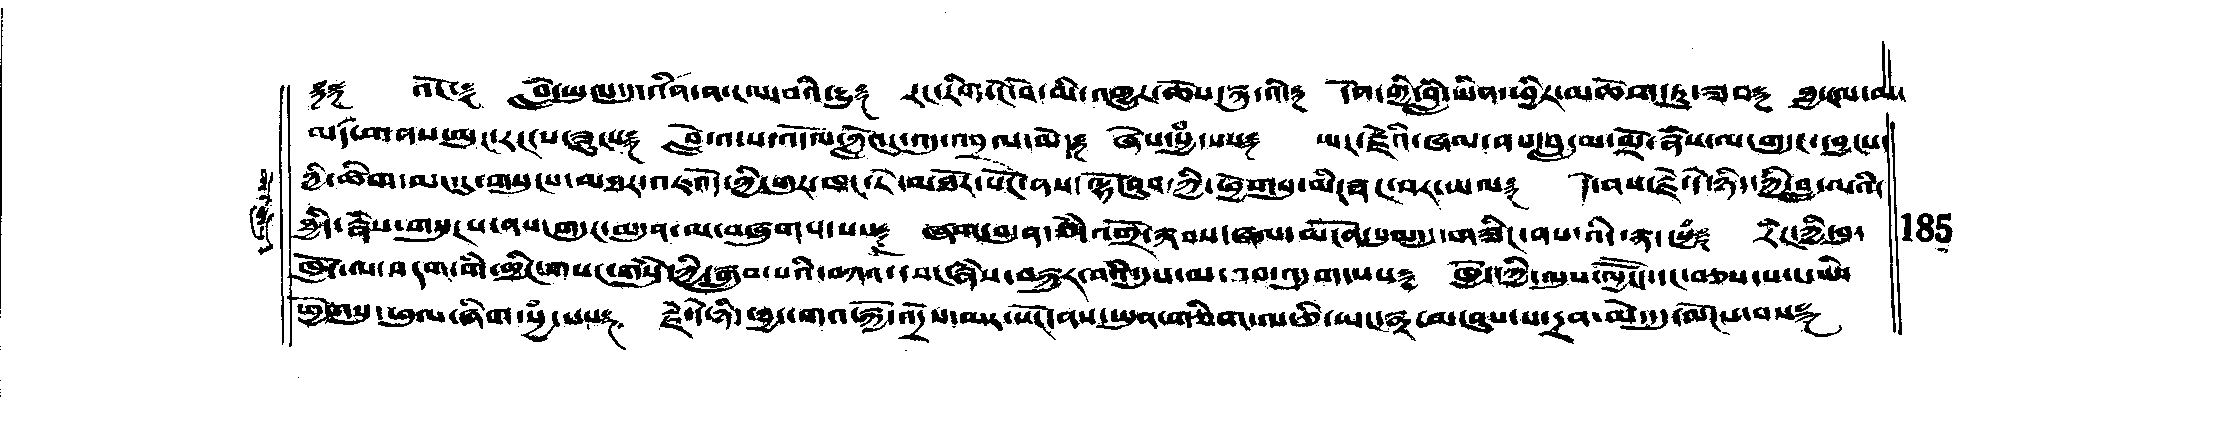འོང་། །བླ་མ་ཡུལ་དུ་འཛིན་ན་ངལ་བའི་རྒྱུ། །རང་རིག་ངོ་བོ་མི་འགྱུར་ཆོས་སྐུ་འདི། །དོན་གྱི་བླ་མ་ཡིན་ཕྱིར་མཆོག་ཏུ་ཟབ། །ཐུགས་ངལ་མ་
མཛད་གནས་ལུགས་རང་ས་ཟུངས། །བློ་འདས་འོད་གསལ་ཀློང་དུ་འདུལ་འབྲལ་མེད། །ཞེས་གསུངས་པས། ཡང་རྗེའི་ཞལ་ནས་བླ་མ་མཁའ་འགྲོ་རྣམས་ལ་གདུང་དབྱངས་
ཀྱི་ཚིག་མང་དུ་གསུངས་མཐར་འཇའ་འོད་ཀྱི་གུར་ཁང་ཇེ་མཐོར་སོང་ནས་ལྷོ་ནུབ་ཀྱི་ཕྱོགས་སུ་མི་སྣང་བར་ཡལ། དེ་ནས་རྗེ་དེ་ཉིད་ཀྱི་བླ་མའི་
ཐུགས་དམ་རྣམས་གསུངས་ནས་གདུང་མདུན་ལ་བཞུགས་པས། ཞག་བདུན་ཙམ་འགྲོ་སྐབས་ཞལ་མངོན་སུམ་དུ་གཟིགས་ནས་འདི་སྐད་གསུངས། རིགས་ཀྱི་བུ་
ཁྱོད་ལ་བདག་གིས་ཕྱི་ནང་གསང་གསུམ་གྱི་སྒྲུབ་པའི་བཀའ་དབང་རྣམས་བསྐུར་བའི་དུས་ལ་བབ་འདུག་པས། ཁྱོད་ཀྱི་ལུས་ལོངས་སྤྱོད་དང་བཅས་པ་ང་ཡི་
ཕྱོགས་སུ་ཕུལ་ཞིག་གསུངས་པས། རྗེ་དེ་ཉིད་ཐུགས་དགའ་སྐྱོ་འདྲེས་མར་སོང་ནས་ཡུན་གཅིག་ལ་ཅི་ཡང་སྨྲ་མ་ནུས་པ་དྲན་མེད་དུ་ཡེངས་བས།